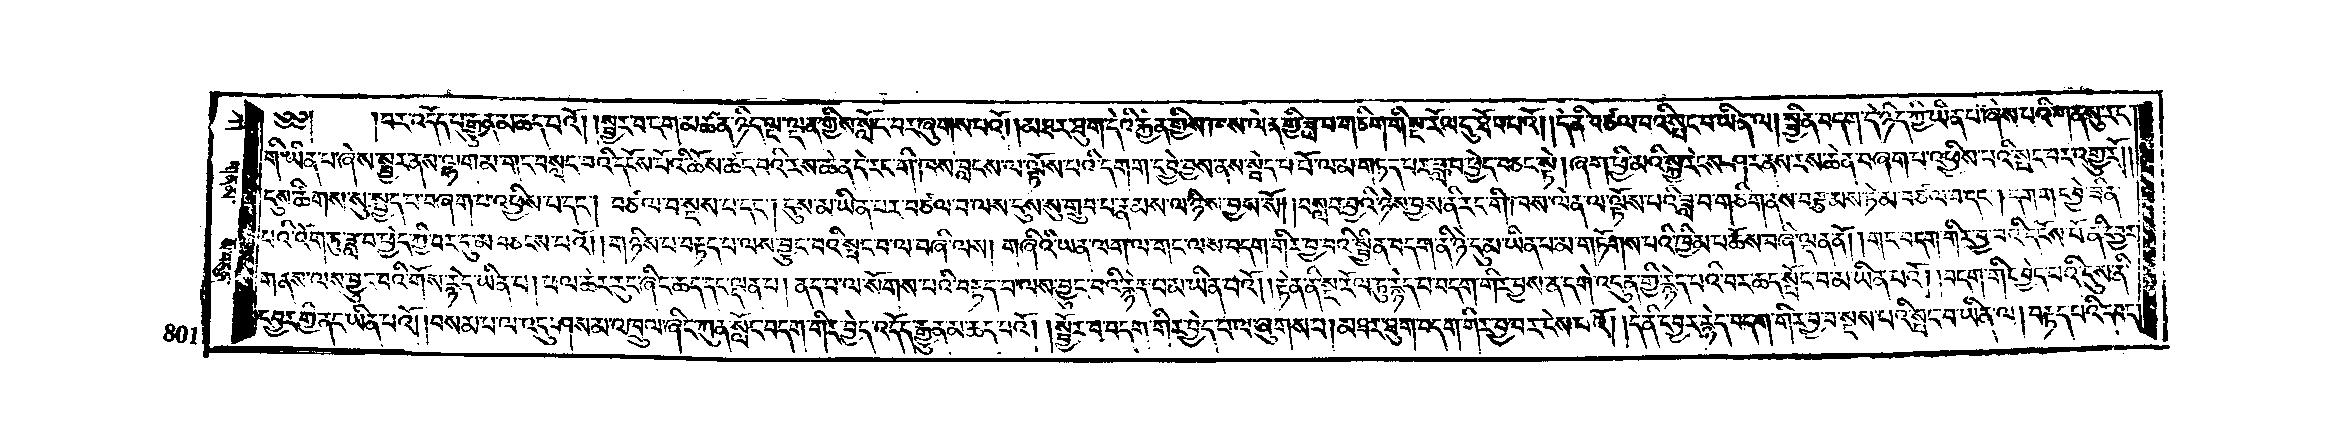༄༅། །བར་འདོད་པ་རྒྱུན་མ་ཆད་པའོ། །སྦྱར་བ་དག་མཚན་ཉིད་ལྔ་ལྡན་གྱིས་སློང་བར་ཞུགས་པའོ། །མཐར་ཐུག་དེའི་རྐྱེན་གྱིས་ཁས་ལེན་གྱི་ཟླ་བ་གཅིག་གི་སྔ་རོལ་དུ་ཐོབ་པའོ། །དེ་ནི་བཙལ་བའི་སྤང་བ་ཡིན་ལ། སྦྱིན་བདག་དེ་ཉིད་ཀྱི་ཡིན་པ་ཞེས་པའི་གནས་སུ་རང་
གི་ཡིན་པ་ཞེས་སྦྱར་ནས་ལྷག་མ་གང་བསླང་བའི་དངོས་པོའི་ཆོས་ཚང་བའི་རས་ཆེན་དེ་རང་གི་ཁས་བླངས་ལ་ལྟོས་པའི་དགག་དབྱེ་བྱས་ནས་སྦེད་པ་པོ་ལམ་གཏད་པར་ཟླ་བ་ཕྱེད་བཅང་སྟེ། ཞག་ཕྱི་མའི་སྐྱ་རེངས་ཤར་ནས་རས་ཆེན་བཞག་པ་འཕྱིས་པའི་སྤང་བར་འགྱུར་རོ།།
དུས་ཚིགས་སུ་སྤྱད་པ་བཞག་པ་འཕྱིས་པ་དང་། བཙལ་བ་སྔས་པ་དང་། དུས་མ་ཡིན་པར་བཙལ་བ་ལས་དུས་སུ་གྲུབ་པ་རྣམས་ལ་ཉིས་བྱས་སོ། །བསླབ་བྱའི་ཉེས་བྱས་ནི་རང་གི་ཁས་ལེན་ལ་ལྟོས་པའི་ཟླ་བ་གཅིག་ནས་བརྩམས་ཏེ་མ་བཙལ་བ་དང་། དགག་དབྱེ་ཟིན་
པའི་འོག་ཏུ་ཟླ་བ་ཕྱེད་ཀྱི་བར་དུ་མ་བཅངས་པའོ། །གཉིས་པ་བརྟད་པ་ལས་བྱུང་བའི་སྤང་པ་ལ་བཞི་ལས། གཞིའི་ཡན་ལག་ལ་གང་ལས་བདག་གིར་བྱ་བའི་སྦྱིན་བདག་ནི་ཉེ་དུ་མ་ཡིན་པ་མ་གཏོགས་པའི་ཁྱིམ་པ་ཆོས་བཞི་ལྡན་ནོ། །གང་བདག་གིར་བྱ་བའི་དངོས་པོ་ནི་དབྱར་
གནས་ལས་བྱུང་བའི་གོས་རྙེད་ཡིན་པ། ཕལ་ཆེར་རུང་ཞིང་ཆད་དང་ལྡན་པ། ནད་པ་ལ་སོགས་པའི་བརྟད་པ་ལས་བྱུང་བའི་རྙེད་པ་མ་ཡིན་པའོ། །རྟེན་ནི་སྔ་རོལ་དུ་རྙེད་པ་བདག་གིར་བྱས་ན་དགེ་འདུན་གྱི་རྙེད་པའི་བར་ཆད་སྤོང་བ་མ་ཡིན་པའོ། །བདག་གིར་བྱེད་པའི་དུས་ནི་
དབྱར་གྱི་ནང་ཡིན་པའོ། །བསམ་པ་ལ་འདུ་ཤས་མ་འཁྲུལ་ཞིང་ཀུན་སློང་བདག་གིར་བྱེད་འདོད་རྒྱུན་མ་ཆད་པའོ། །སྦྱོར་བ་བདག་གིར་བྱེད་པ་ལ་ཞུགས་པ། མཐར་ཐུག་བདག་གིར་བྱ་བར་ངེས་པའོ། །དེ་ནི་དབྱར་རྙེད་བདག་གིར་བྱ་བ་སྔས་པའི་སྤང་བ་ཡིན་ལ། བརྟད་པའི་དབང་